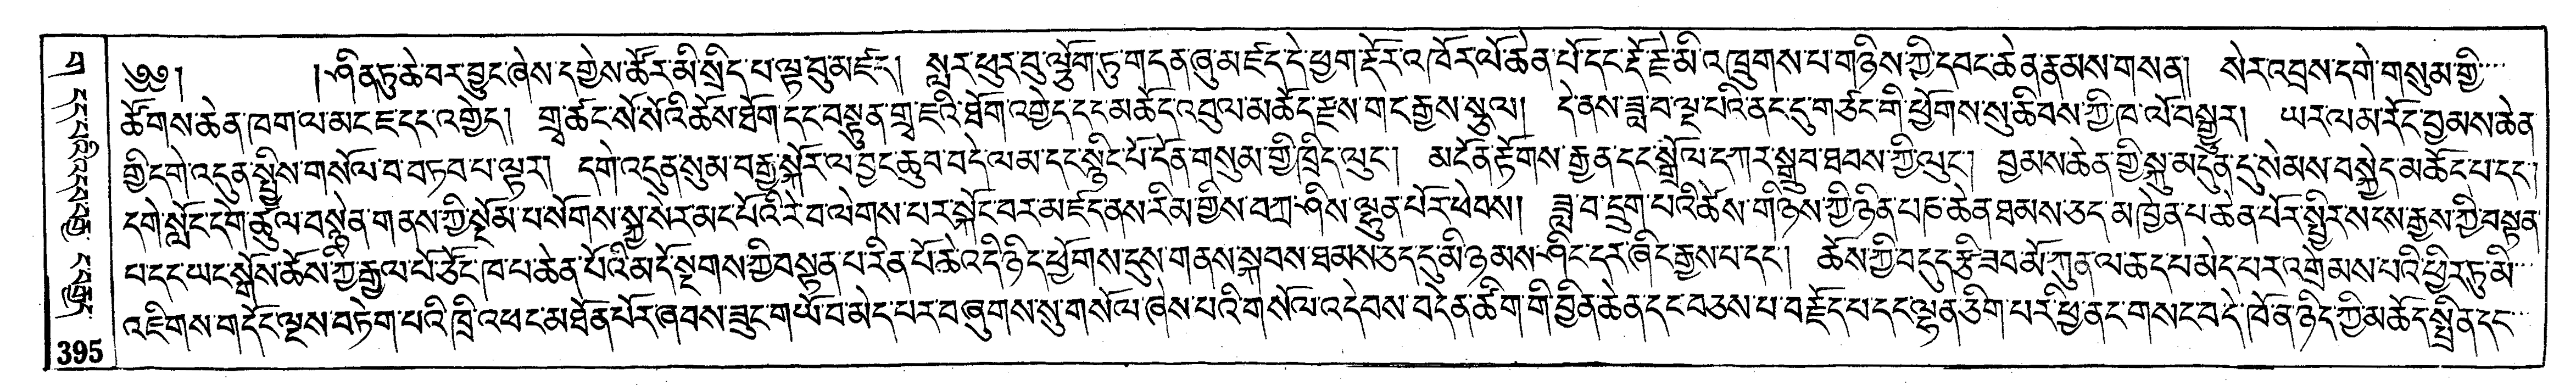༄༅། །ཤིན་ཏུ་ཆེ་བར་བྱུང་ཞེས་དགྱེས་ཚོར་མི་སྲིད་པ་ལྟ་བུ་མཛད། སླར་ཕུར་བུ་ལྕོག་ཏུ་གདན་ཞུ་མཛད་དེ་ཕྱག་རྡོར་འཁོར་ལོ་ཆེན་པོ་དང་རྡོ་རྗེ་མི་འཁྲུགས་པ་གཉིས་ཀྱི་དབང་ཆེན་རྣམས་གསན། སེར་འབྲས་དགེ་གསུམ་གྱི་
ཚོགས་ཆེན་ཁག་ལ་མང་ཇ་དང་འགྱེད། གྲྭ་ཚང་སོ་སོའི་ཆོས་ཐོག་དང་བསྟུན་གྲྭ་ཇའི་ཐོག་འགྱེད་དང་མཆོད་འབུལ་མཆོད་རྫས་གང་རྒྱས་སྩལ། དེ་ནས་ཟླ་བ་ལྔ་པའི་ནང་དུ་གཙང་གི་ཕྱོགས་སུ་ཆིབས་ཀྱི་ཁ་ལོ་བསྒྱུར། ཡར་ལམ་རོང་བྱམས་ཆེན་
གྱི་དགེ་འདུན་སྦྱིས་གསོལ་བ་བཏབ་པ་ལྟར། དགེ་འདུན་སུམ་བརྒྱ་སྐོར་ལ་བྱང་ཆུབ་བདེ་ལམ་དང་སྙིང་པོ་དོན་གསུམ་གྱི་ཁྲིད་ལུང་། མངོན་རྟོགས་རྒྱན་དང་སྒྲོལ་དཀར་སྒྲུབ་ཐབས་ཀྱི་ལུང་། བྱམས་ཆེན་གྱི་སྐུ་མདུན་དུ་སེམས་བསྐྱེད་མཆོད་པ་དང་
དགེ་སློང་དགེ་ཚུལ་བསྙེན་གནས་ཀྱི་སྔོམ་པ་སོགས་སྐྱ་སེར་མང་པོའི་རེ་བ་ལེགས་པར་སྐོང་བར་མཇིད་ནས་རིམ་གྱིས་བཀྲ་ཤིས་ལྷུན་པོར་ཕེབས། ཟླ་བ་དྲུག་པའི་ཚེས་གཉིས་ཀྱི་ཉིན་པཎ་ཆེན་ཐམས་ཅད་མཁྱེན་པ་ཆེན་པོར་སྦྱིར་སངས་རྒྱས་ཀྱི་བསྟན་
པ་དང་ཡང་སྒོས་ཆོས་ཀྱི་རྒྱལ་པོ་ཙོང་ཁ་པ་ཆེན་པོའི་མདོ་སྔགས་ཀྱི་བསྟན་པ་རིན་པོ་ཆེ་འདི་ཉིད་ཕྱོགས་དུས་གནས་སྐབས་ཐམས་ཅད་དུ་མི་ཉམས་ཤིང་དར་ཞིང་རྒྱས་པ་དང་། ཆོས་ཀྱི་བདུད་རྩི་ཟབ་མོ་ཀུན་ལ་ཆད་པ་མེད་པར་འགྲེམས་པའི་ཕྱིར་ཏུ་མི་
འཇིགས་གདོང་ལྔས་བཏེག་པའི་ཁྲི་འཕང་མཐོན་པོར་ཞབས་ཟུང་གཡོ་བ་མེད་པར་བཞུགས་སུ་གསོལ་ཞེས་པའི་གསོལ་འདེབས་བདེན་ཚིག་གི་བྱིན་ཆེན་དང་བཅས་པ་བརྗོད་པ་དང་ལྟན་ཅིག་པར་ཕྱི་ནང་གསང་བ་དེ་ཁོ་ན་ཉིད་ཀྱི་མཆོད་སྤྲིན་དང་